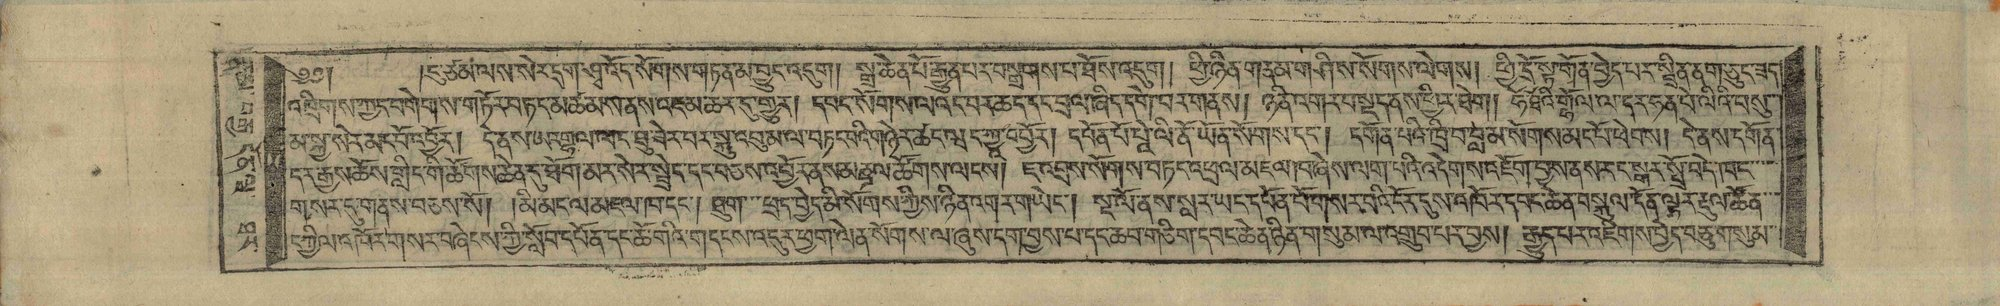༄༅། །ངུ་ཙམ་ལས་སེར་དྲག་ཤྭ་འོད་སོགས་གཏན་མ་བྱུང་འདུག །སྒྲ་ཆེན་པོ་རྒྱུན་པར་བསྒྲགས་པ་ཐོས་འདུག །ཕྱི་ཉིན་གནམ་གཤིས་སོགས་ལེགས། ཕྱི་དྲོ་སྟ་གོན་བྱེད་པར་སྦྲིན་ནག་ཅུང་ཟད་
འཁྲིགས་ཀྱང་བགེགས་གཏོར་བཏང་མཚམས་ནས་འཇམ་ཆར་དུ་གྱུར། དབང་སོགས་ལའང་བར་ཆད་དང་བྲལ་ཞིང་དགེ་བར་གནས། ཉིན་འགར་བསྡད་ནས་ཕྱིར་ཐེག །ཧོ་ཐོའི་གྷོལ་ལ་དར་ཧན་པེ་ལིའི་བསུ་
མ་སྐྱ་སེར་མང་པོ་འབྱོར། དེ་ནས་ཨར་གྷལ་ལང་ཐུ་ཟེར་བར་སྐུ་འབུམ་ལ་བཏང་བའི་གཉེར་ཚང་ཝང་ཀྱཱ་འབྱོར། དཔོན་པོ་པE་ལི་ནོ་ཡོན་སོགས་དང་། དགོན་པའི་ཁྲི་བ་བླ་མ་སོགས་མང་པོ་ཕེབས། དེ་ནས་དགོན་
དར་རྒྱས་ཆོས་གླིང་གི་ཚོགས་ཆེན་དུ་ཐོག་མར་སེར་སྦྲེང་དང་བཅས་འབྱོར་ནས་མཎྜལ་ཚོགས་ལངས། ཇ་འབྲས་སོགས་བཏང་འཕྲལ་མཇལ་ཁ་ཞེས་ལག་པའི་འདེགས་འཇོག་བྱས་ནས་རང་སྒར་སྤྲོ་བདེ་ཁང་
གསར་དུ་གནས་བཅས་སོ། །མི་མང་ལ་མཇལ་ཁ་དང་། ཐུག་ཕྲད་བྱེད་མི་སོགས་ཀྱིས་ཉིན་འགར་གཡེང་། སྔ་ལོ་ནས་སླར་ཡང་དཔོན་པོ་གསར་བའི་ངོར་དུས་འཁོར་དབང་ཆེན་བསྐུལ་དོན་ལྟར་རྡུལ་ཚོན་
དཀྱིལ་འཁོར་གསར་བཞེངས་ཀྱི་སློབ་དཔོན་དང་ཆོ་གའི་གདངས་འདུར་ཕྱག་ལེན་སོགས་ལ་ཞུས་དག་བྱས་པ་དང་ཆབ་གཅིག་དབང་ཆེན་ཉིན་གསུམ་ལ་འགྲུབ་པར་བྱས། རྒྱུད་པར་འཇིགས་བྱེད་བཅུ་གསུམ་